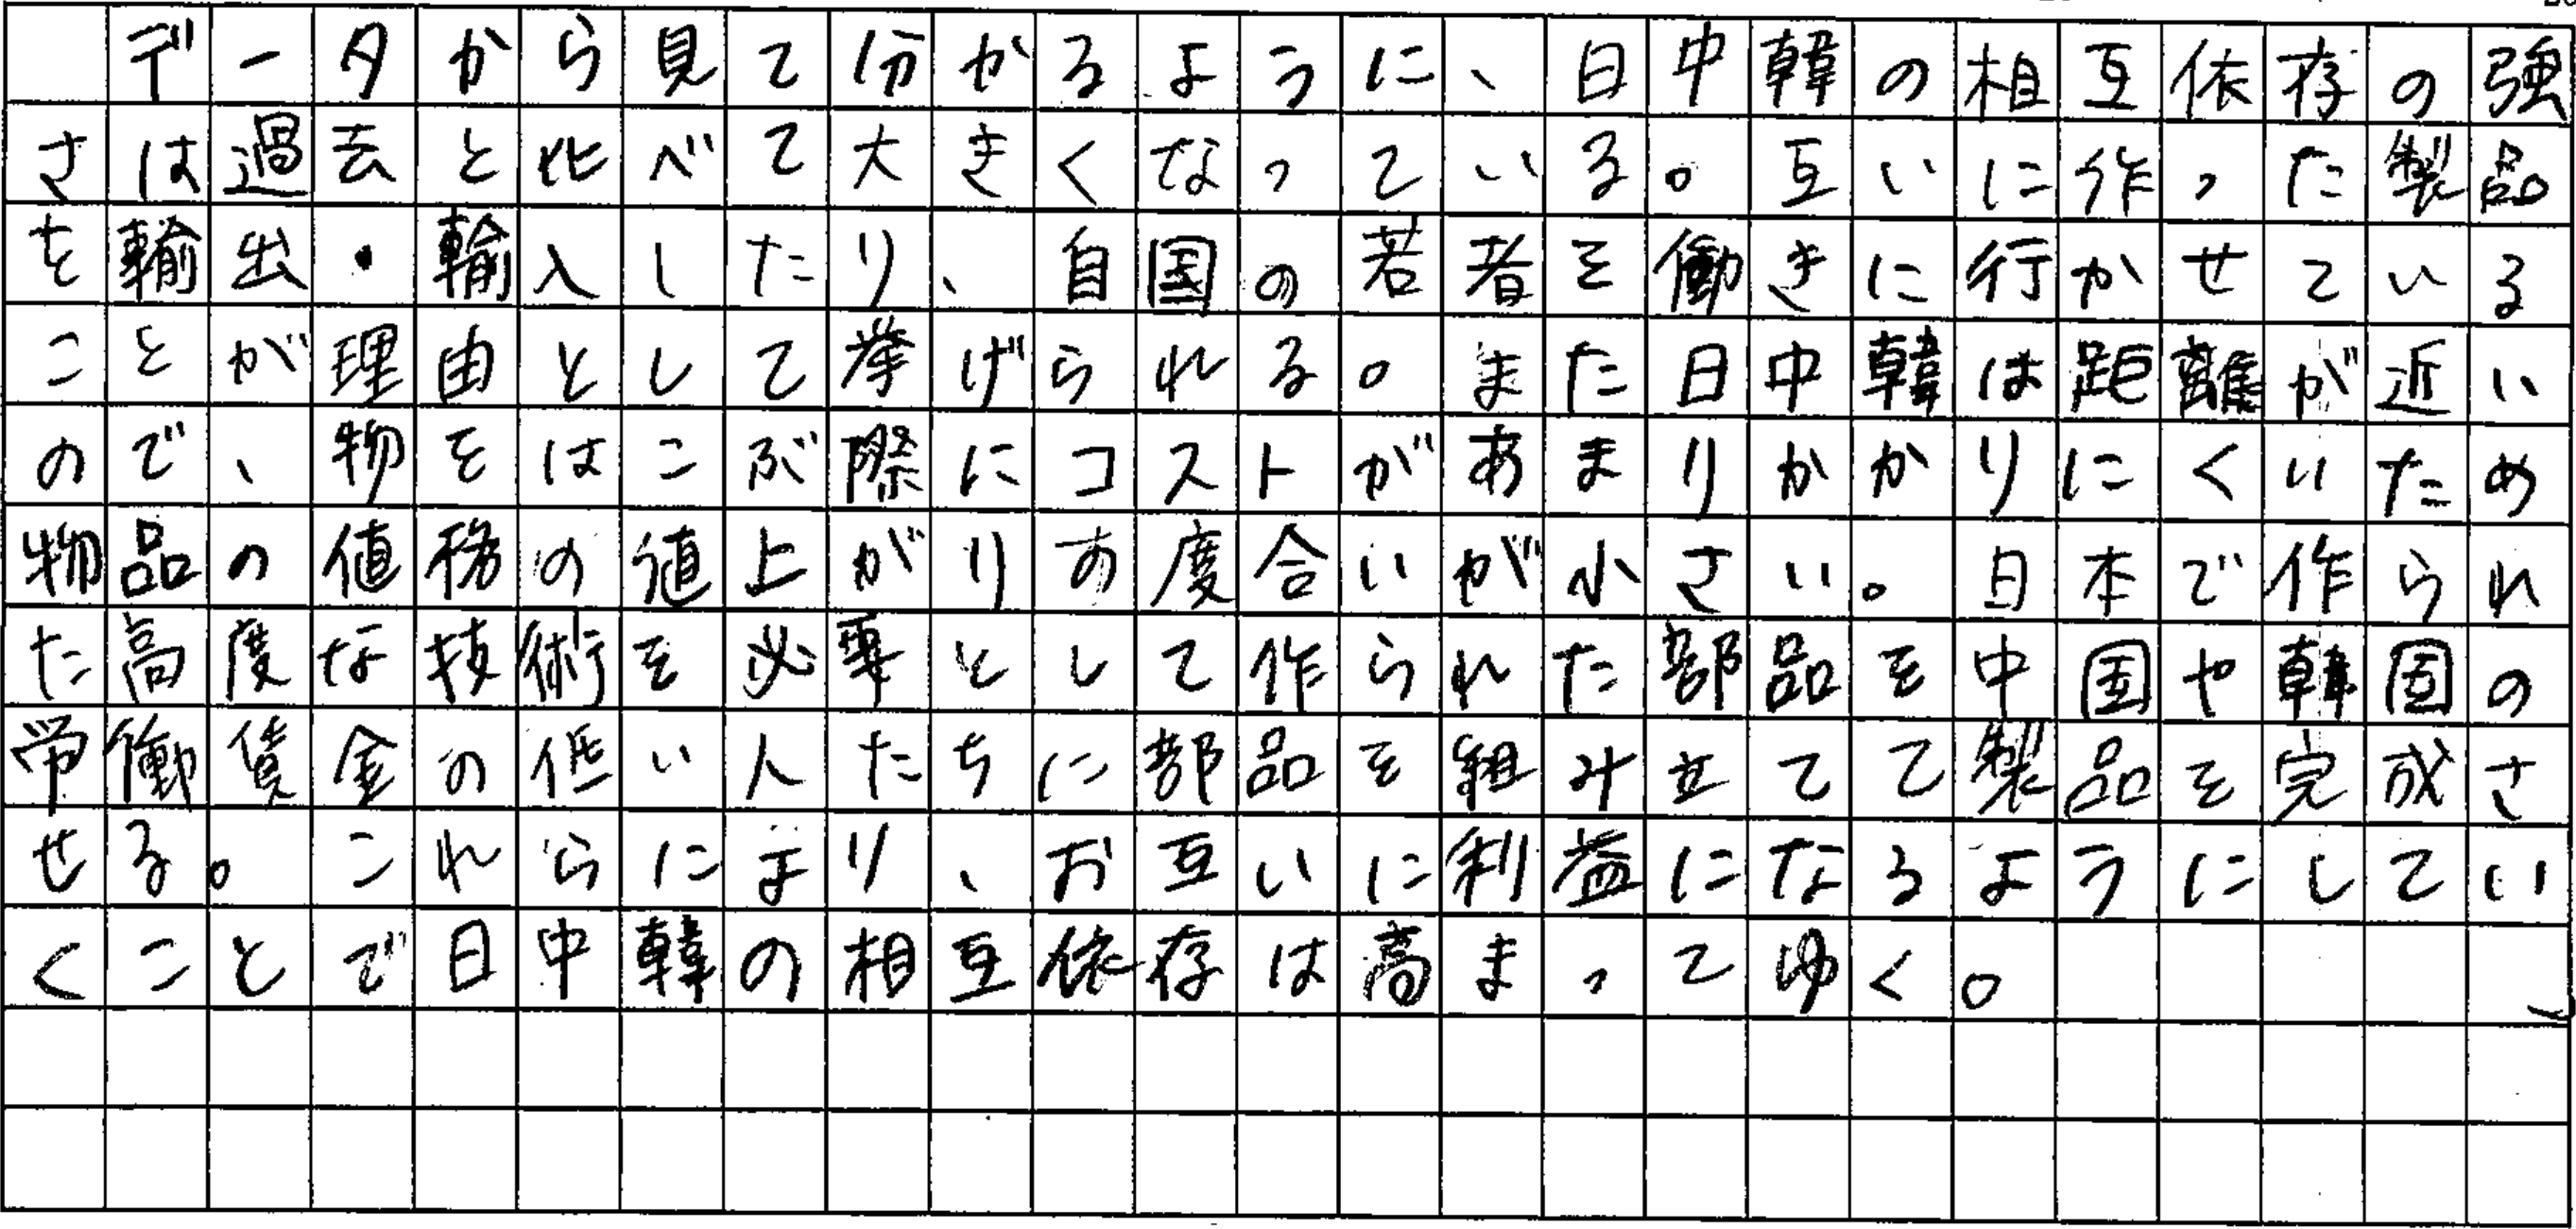　データから見て分かるように、日中韓の相互依存の強さは過去と比べて大きくなっている。互いに作った製品を輸出・輸入したり、自国の若者を働きに行かせていることが理由として挙げられる。また日中韓は距離が近いので、物をはこぶ際にコストがあまりかかりにくいため物品の値格の値上がりの度合いが小さい。日本で作られた高度な技術を必要として作られた部品を中国や韓国の労働賃金の低い人たちに部品を組み立てて製品を完成させる。これらにより、お互いに利益になるようにしていくことで日中韓の相互依存は高まってゆく。
